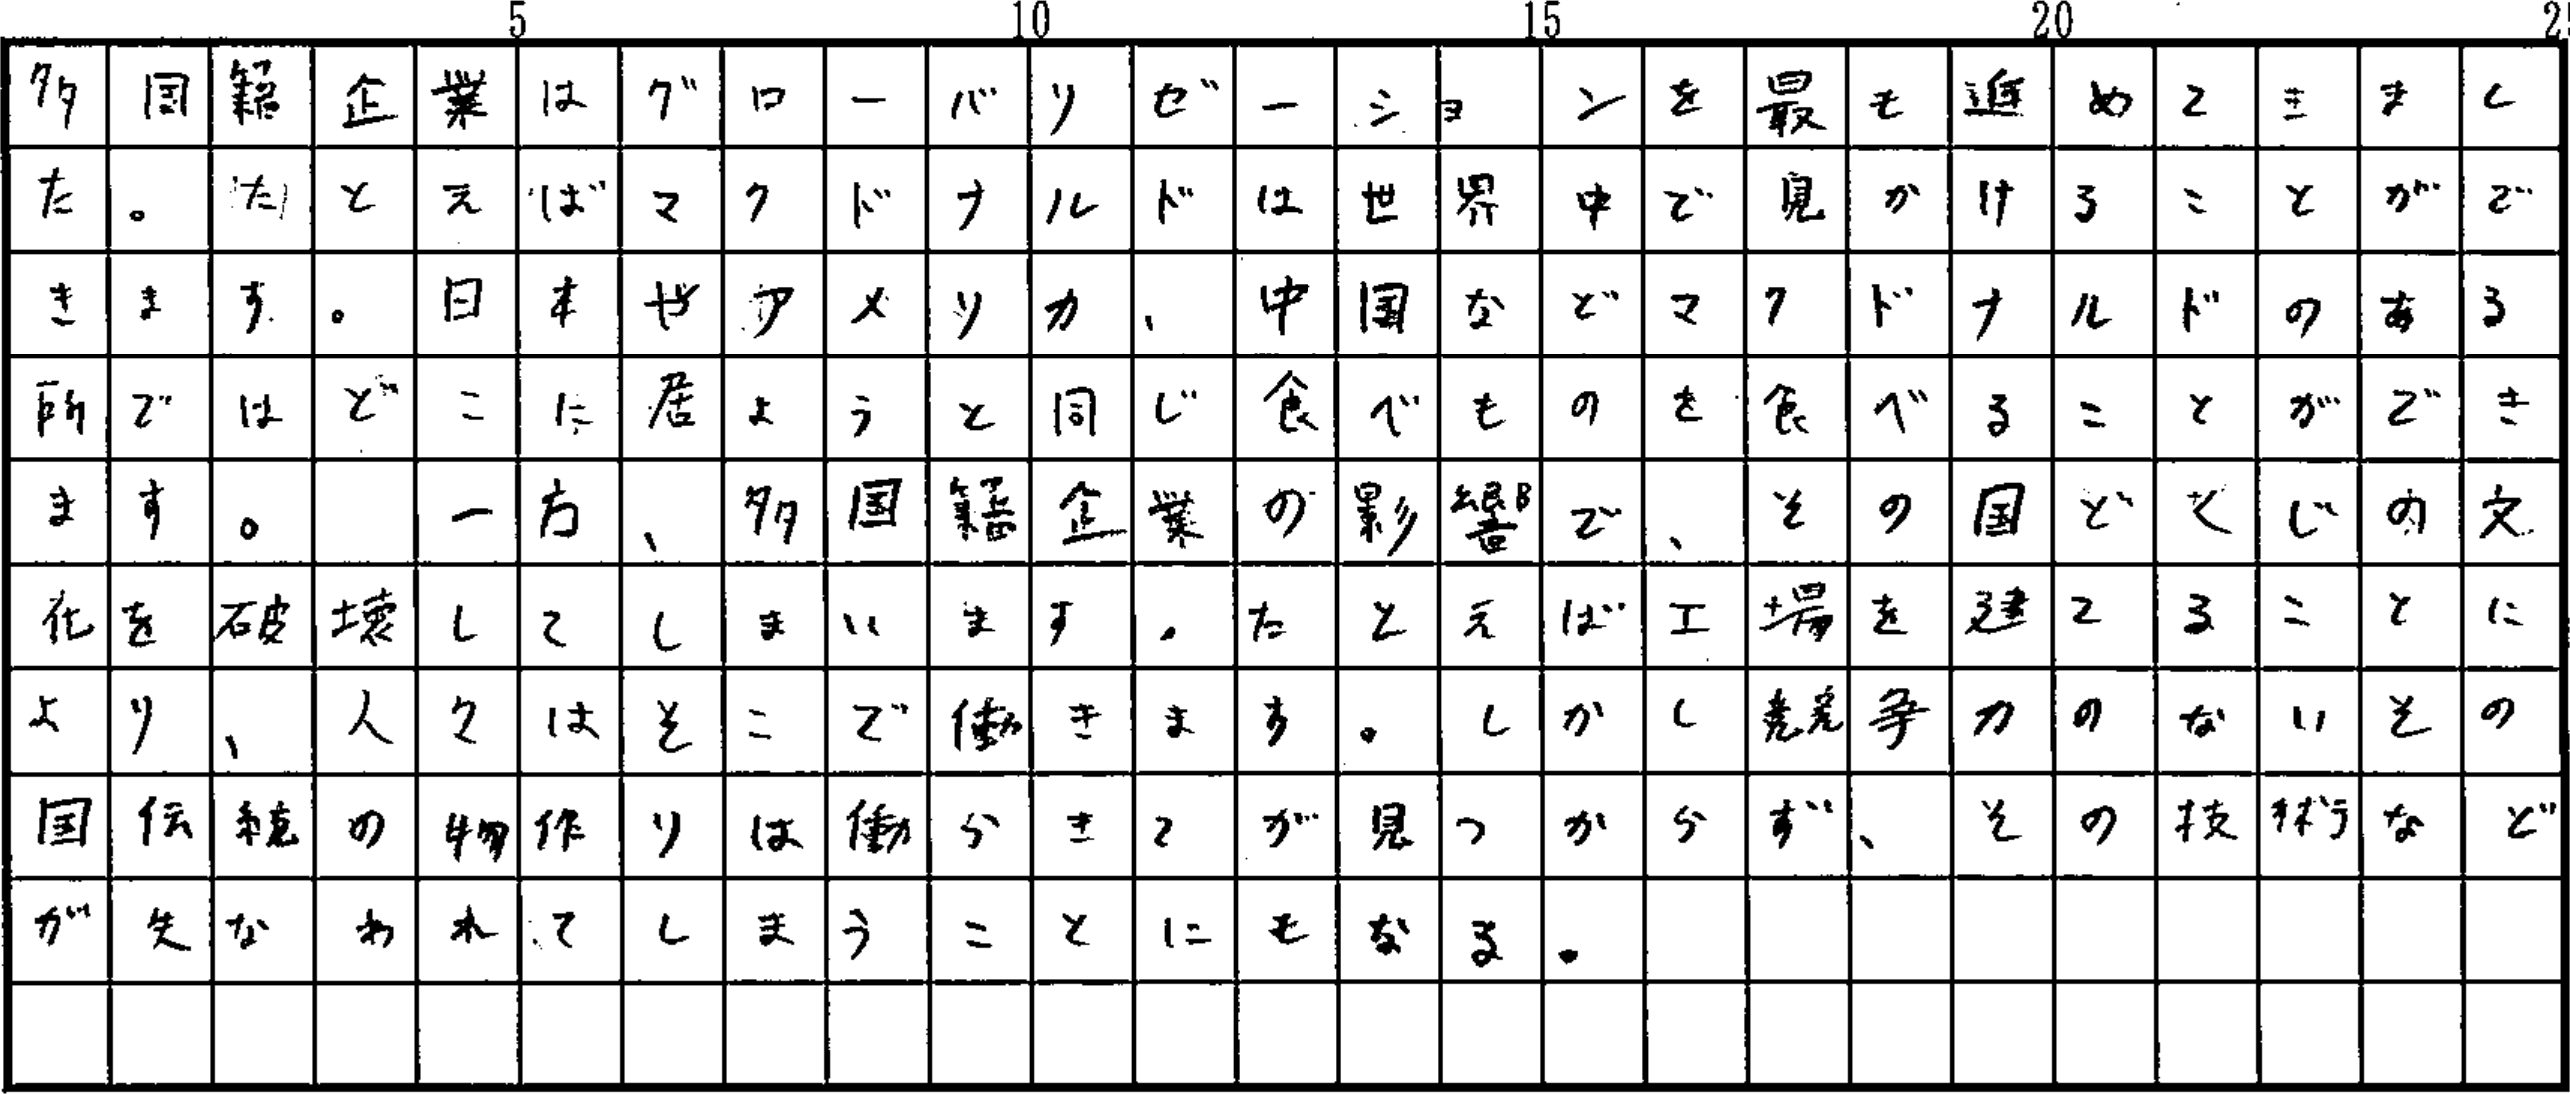多国籍企業はグローバリゼーションを最も進めてきました。たとえばマクドナルドは世界中で見かけることができます。日本やアメリカ、中国などマクドナルドのある所ではどこに居ようと同じ食べものを食べることができます。　一方、多国籍企業の影響で、その国どくじの文化を破壊してしまいます。たとえば工場を建てることにより、人々はそこで働きます。しかし競争力のないその国伝統の物作りは働らきてが見つからず、その技術などが失なわれてしまうことにもなる。
